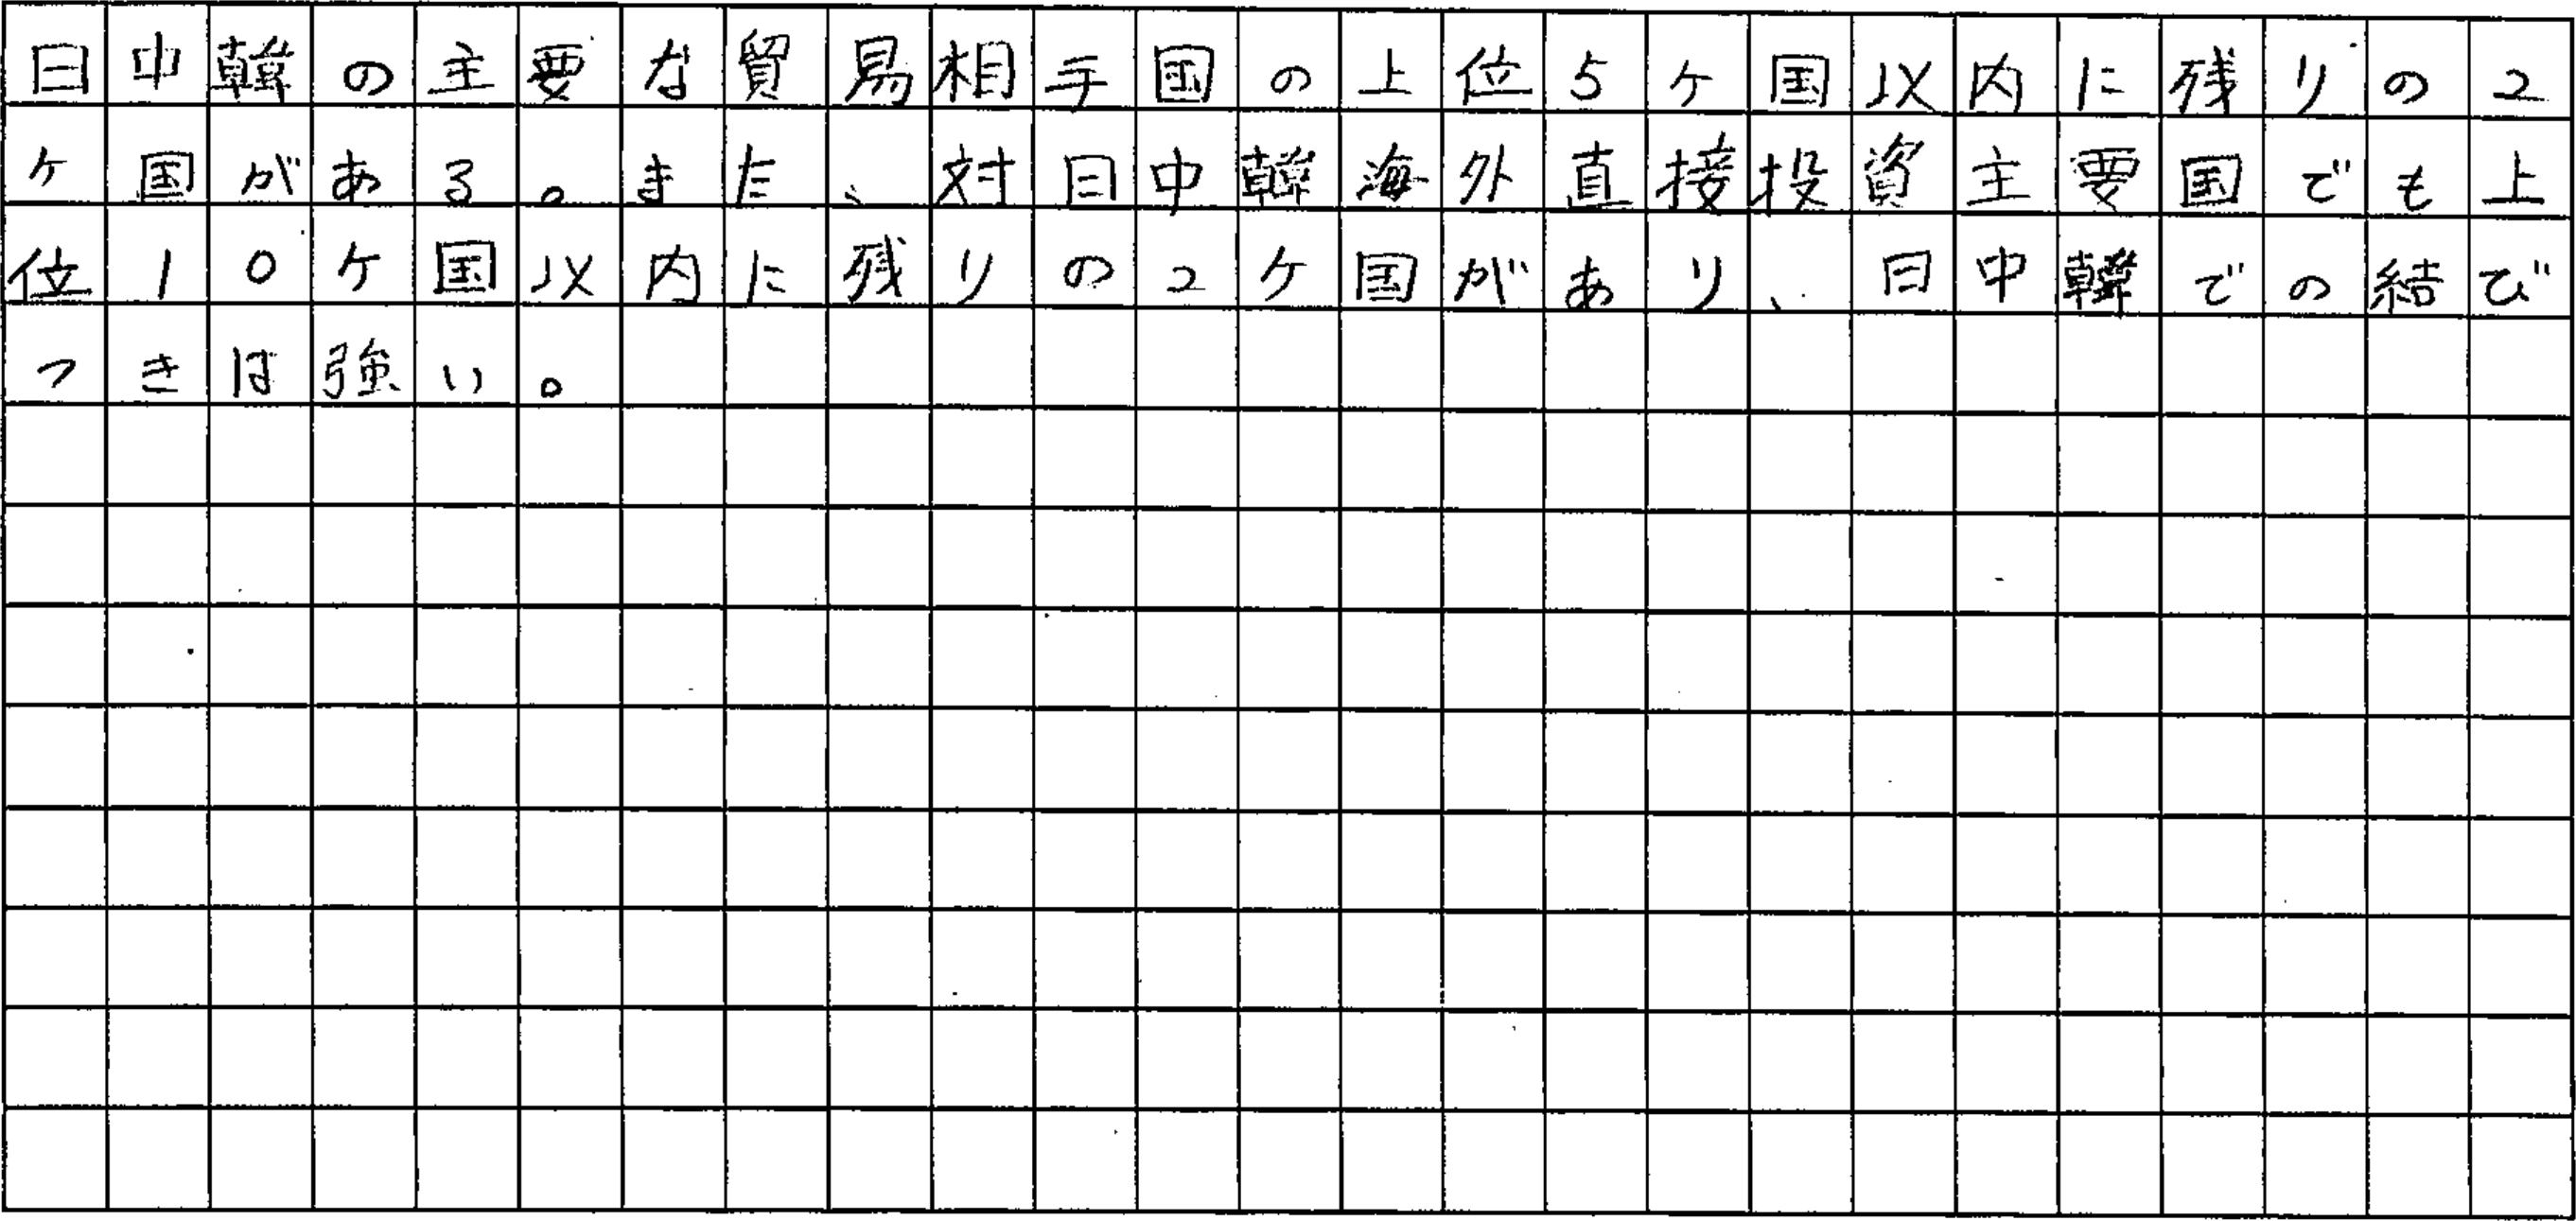日中韓の主要な貿易相手国の上位５ケ国以内に残りの２ケ国がある。また、対日中韓海外直接投資主要国でも上位１０ケ国以内に残りの２ケ国があり、日中韓での結びつきは強い。
